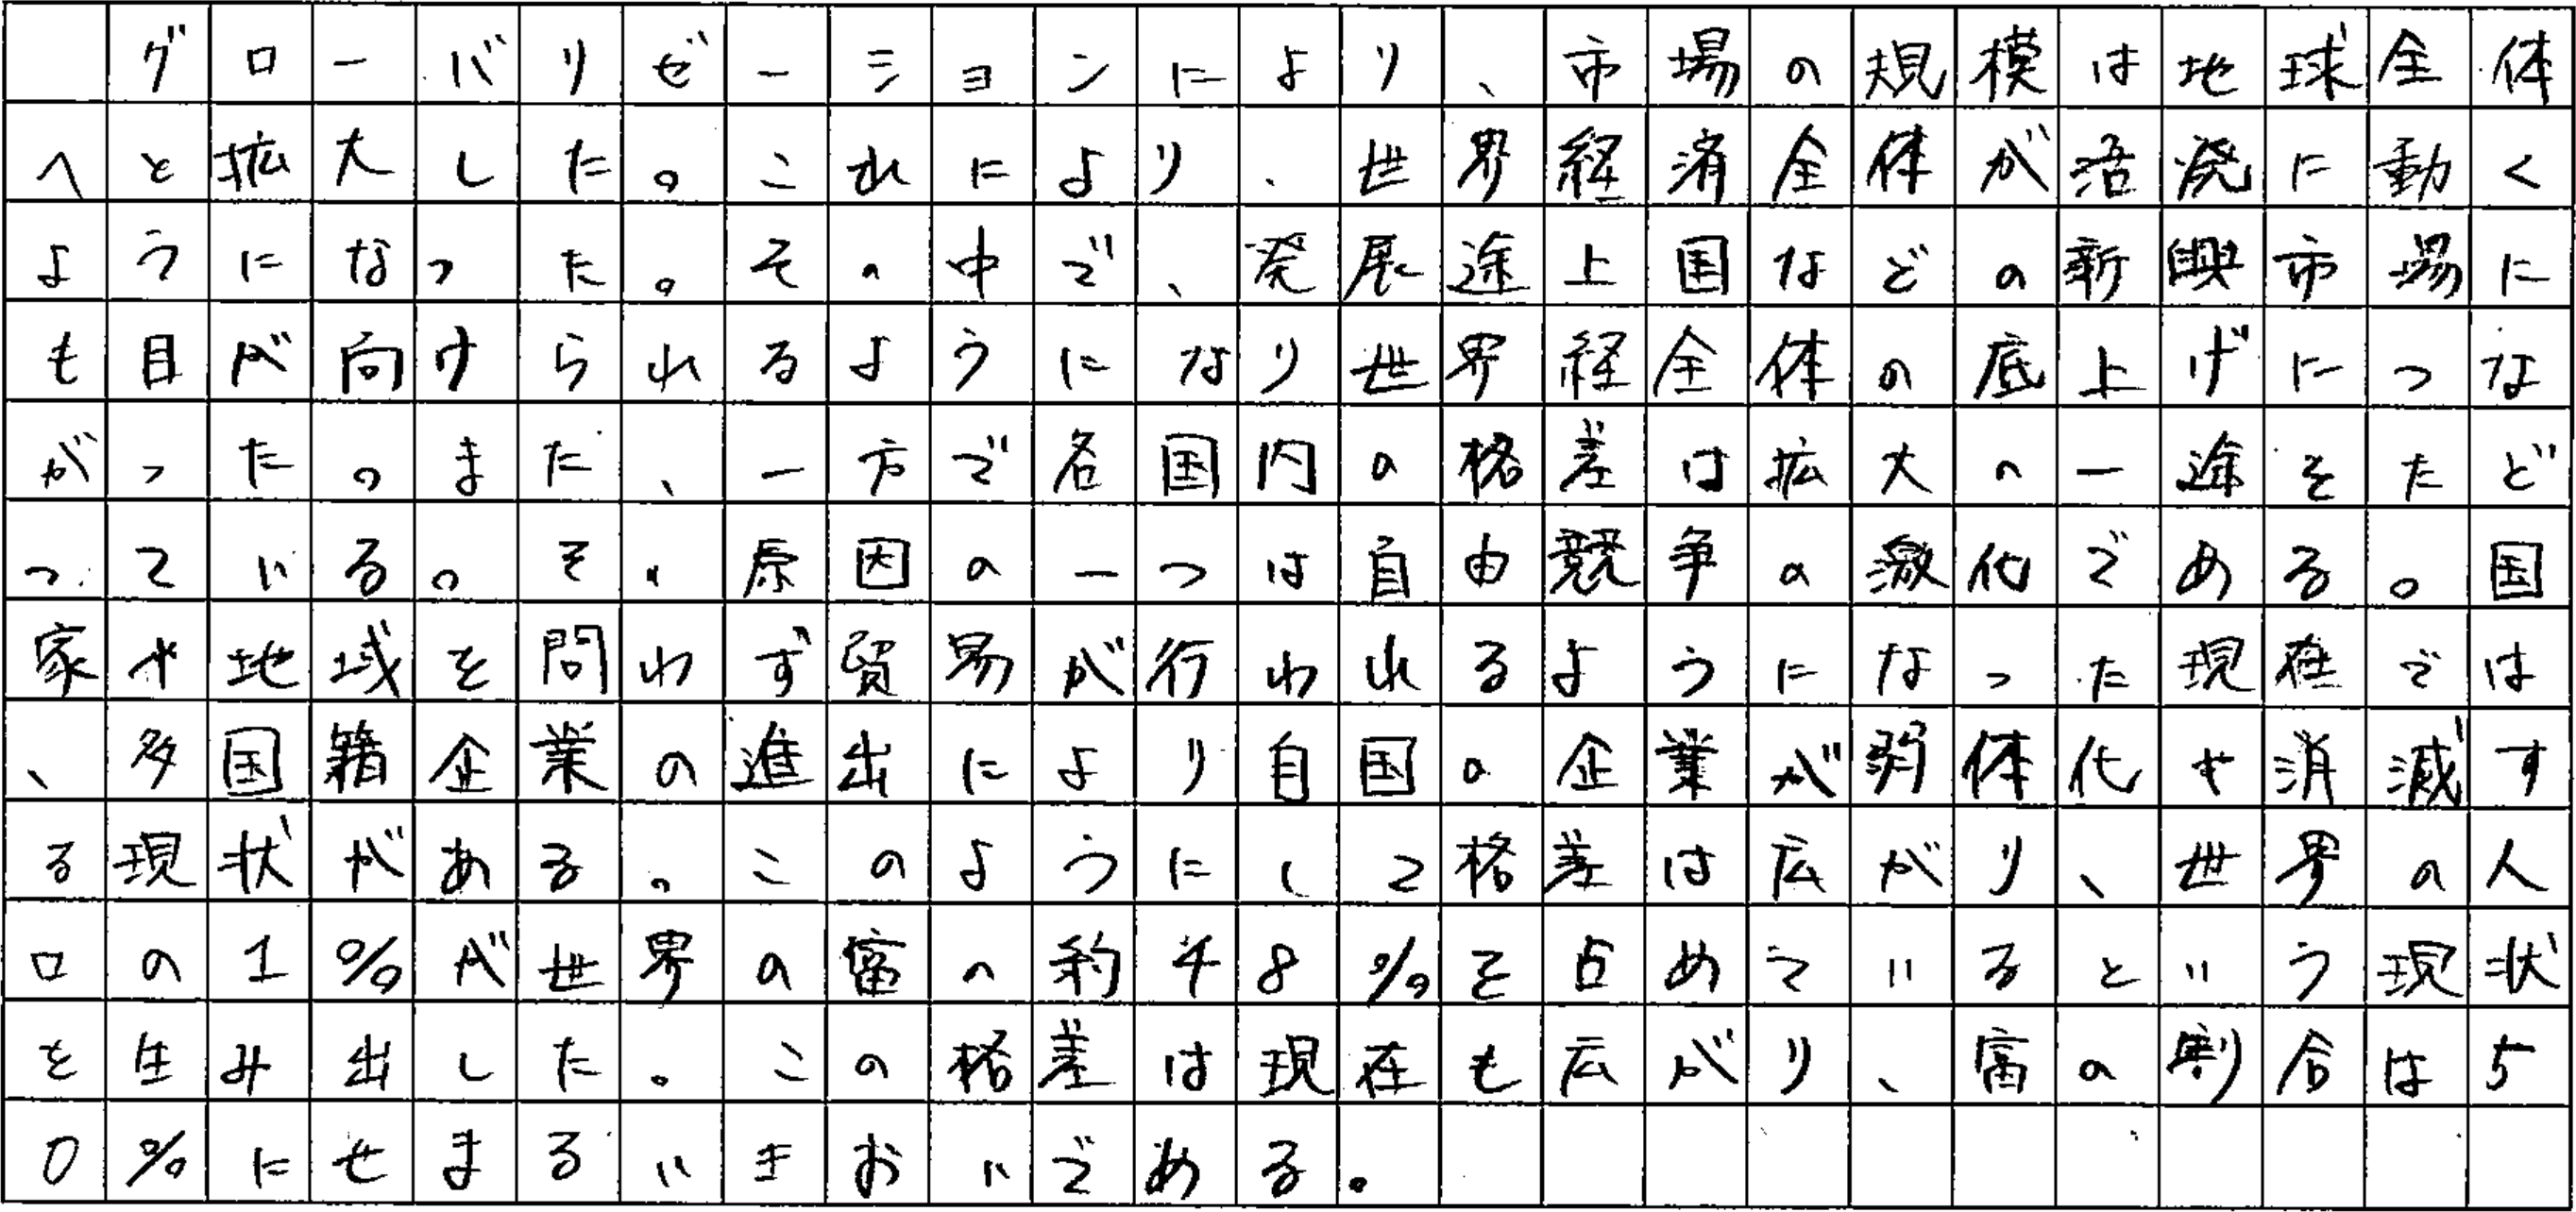　グローバリゼーションにより、市場の規模は地球全体へと拡大した。これにより、世界経済全体が活発に動くようになった。その中で、発展途上国などの新興市場にも目が向けられるようになり世界経全体の底上げにつながった。また、一方で各国内の格差は拡大の一途をたどっている。その原因の一つは自由競争の激化である。国家や地域を問わず貿易が行われるようになった現在では、多国籍企業の進出により自国の企業が弱体化や消滅する現状がある。このようにして格差は広がり、世界の人口の１％が世界の富の約４８％を占めているという現状を生み出した。この格差は現在も広がり、富の割合は５０％にせまるいきおいである。
